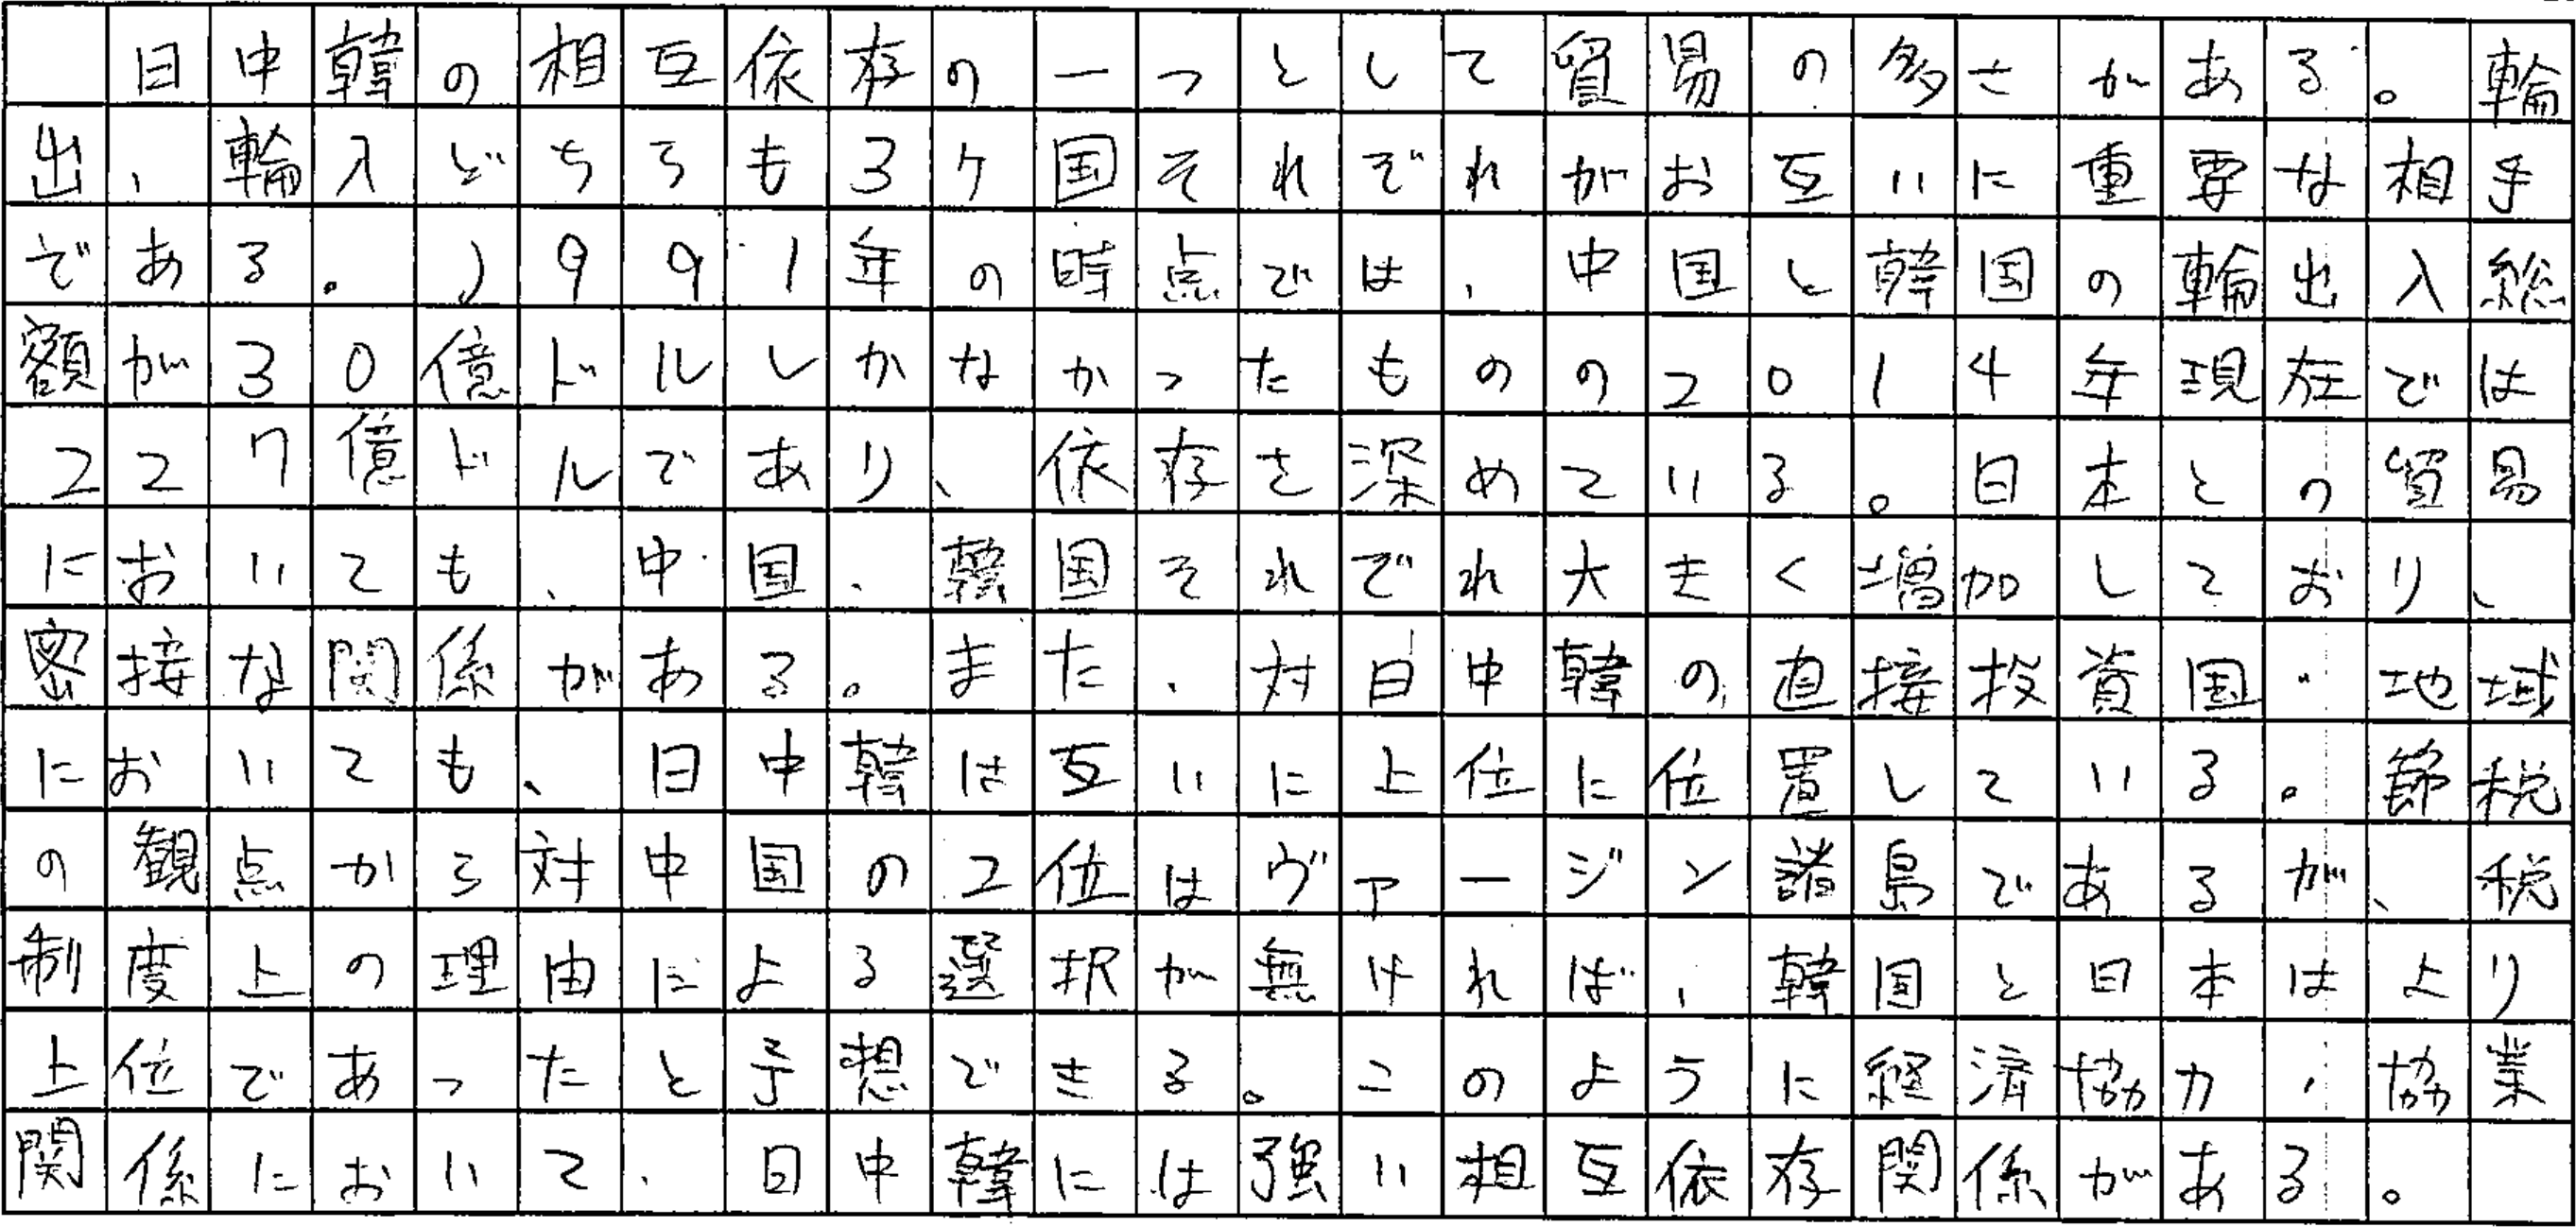　日中韓の相互依存の一つとして貿易の多さがある。輸出，輸入どちらも３ケ国それぞれがお互いに重要な相手である。１９９１年の時点では、中国と韓国の輸出入総額が３０億ドルしかなかったものの２０１４年現在では２２７億ドルであり、依存を深めている。日本との貿易においても、中国、韓国それぞれ大きく増加しており、密接な関係がある。また、対日中韓の直接投資国・地域においても、日中韓は互いに上位に位置している。節税の観点から対中国の２位はヴァージン諸島であるが、税制度上の理由による選択が無ければ、韓国と日本はより上位であったと予想できる。このように経済協力・協業関係において、日中韓には強い相互依存関係がある。
